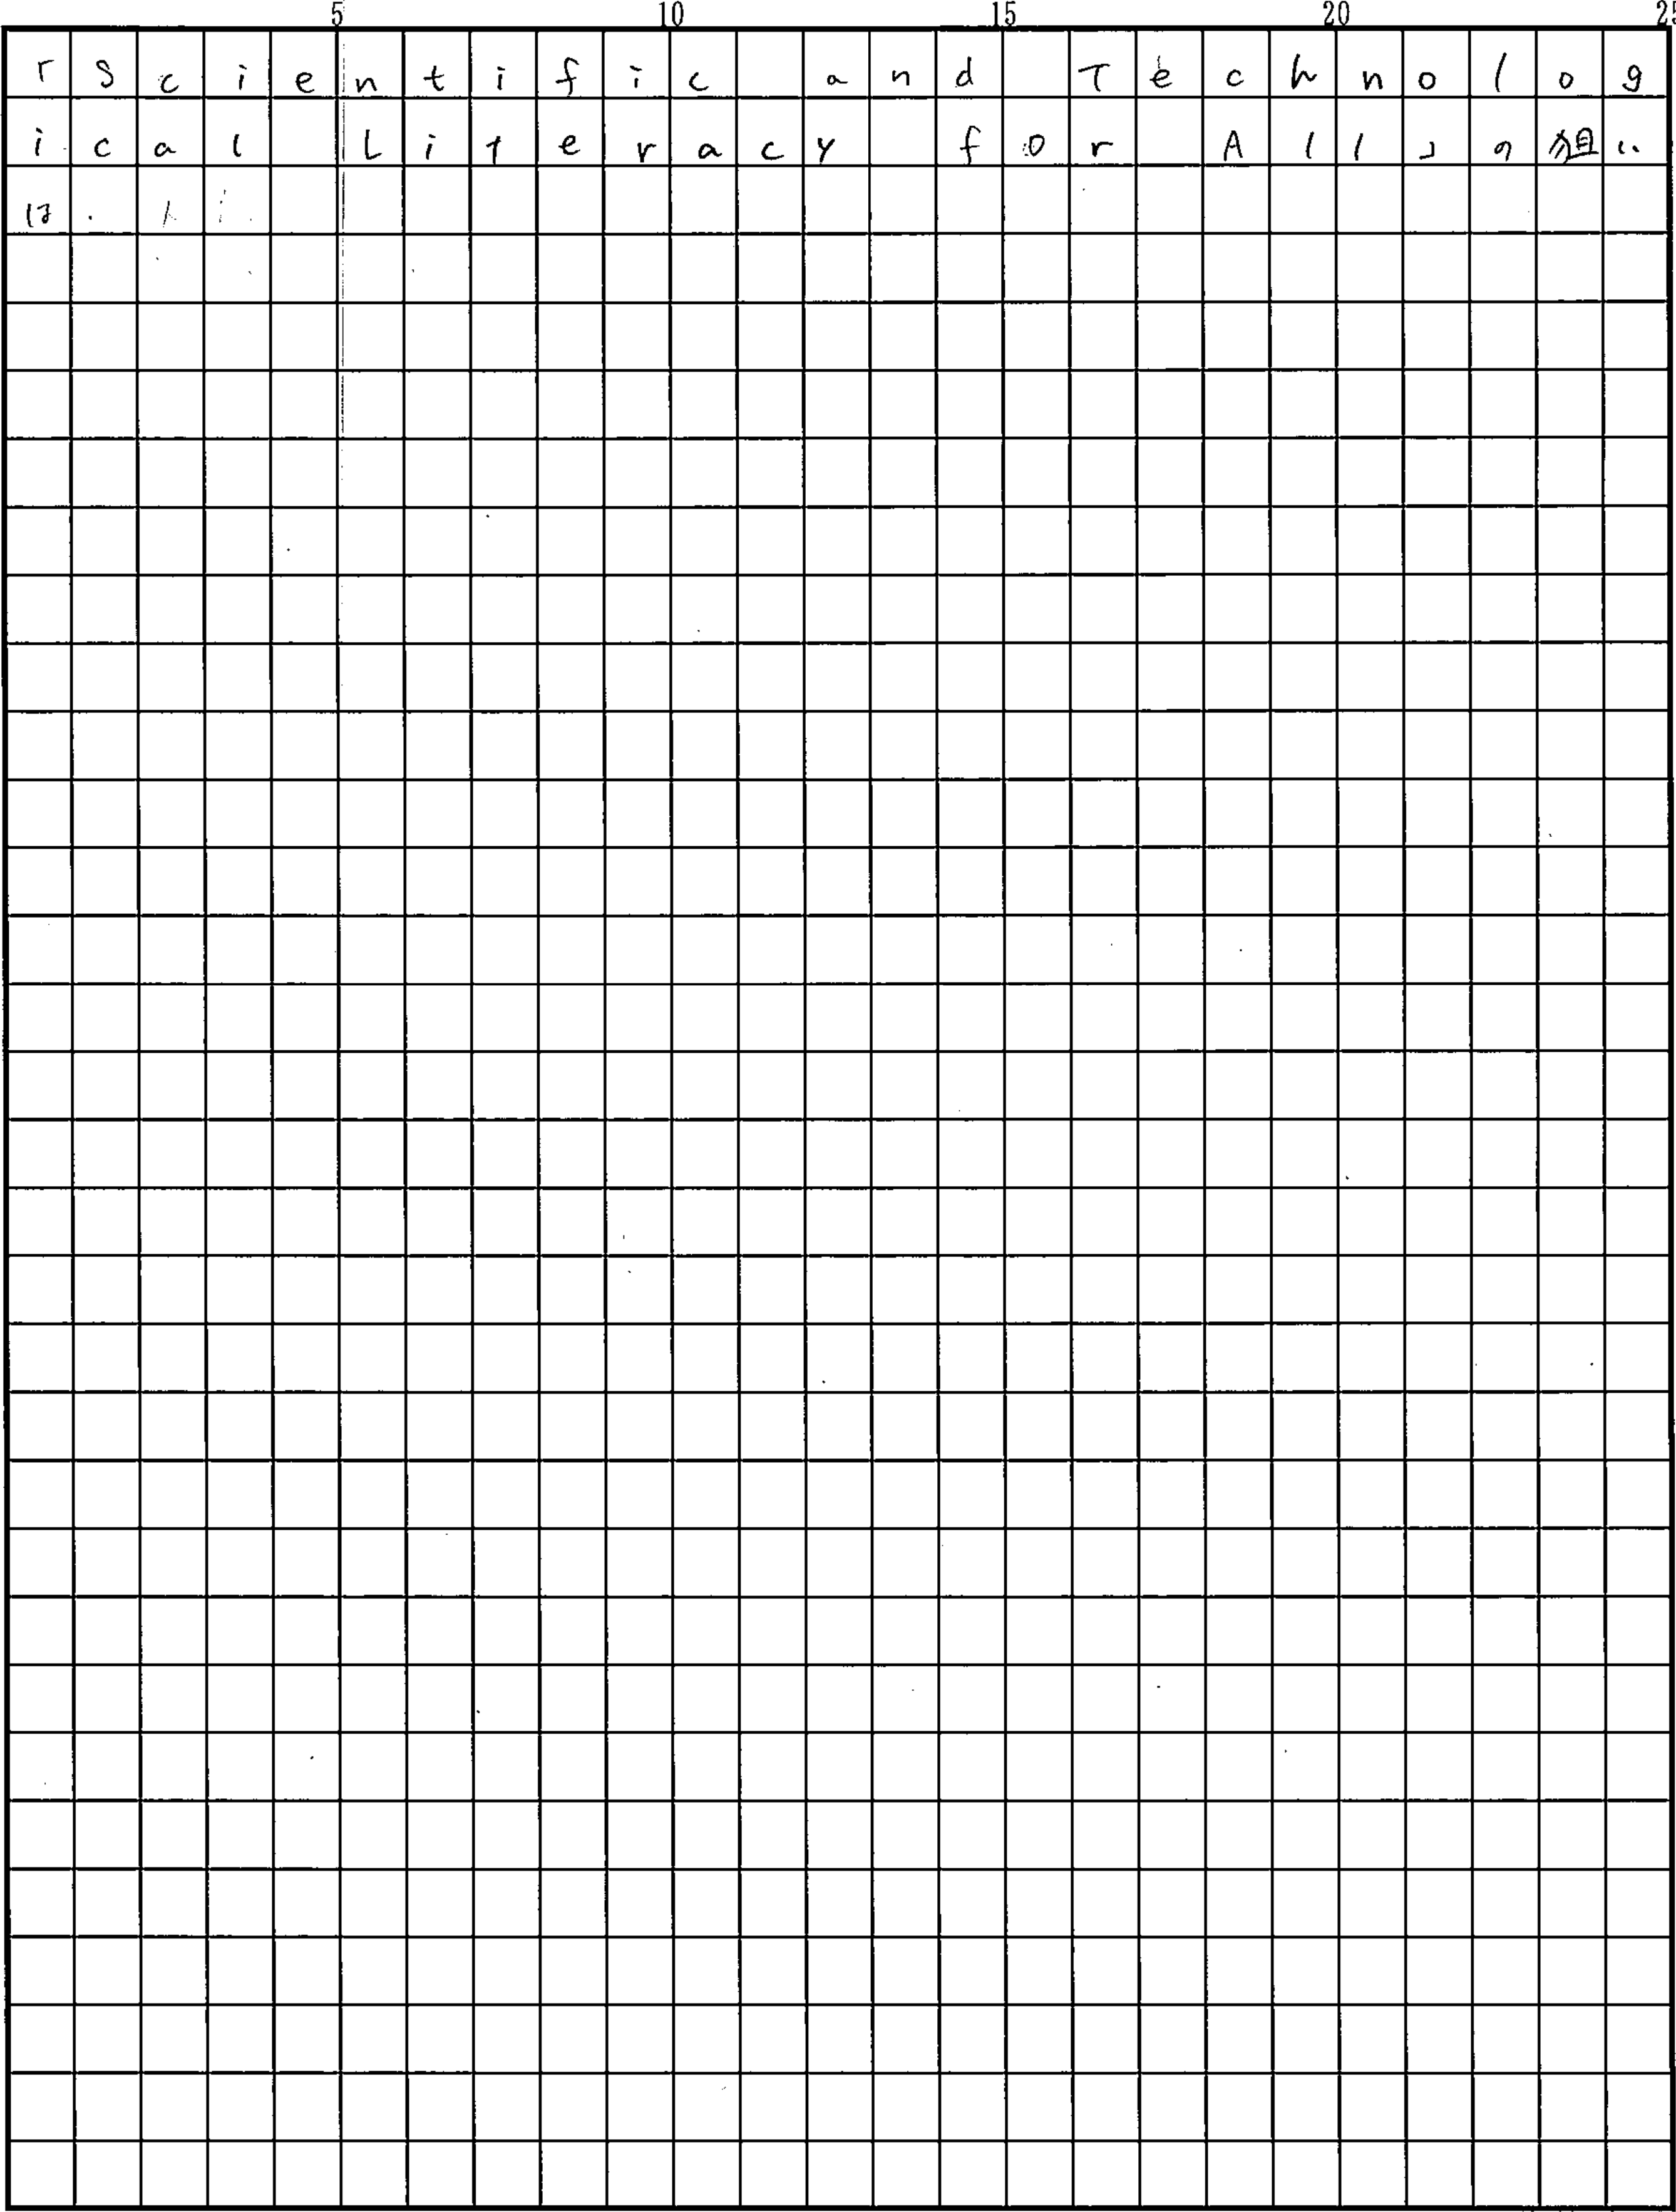「Ｓｃｉｅｎｔｉｆｉｃ　ａｎｄ　Ｔｅｃｈｎｏｌｏｇｉｃａｌ　Ｌｉｔｅｒａｃｙ　ｆｏｒ　Ａｌｌ」の狙いは、
